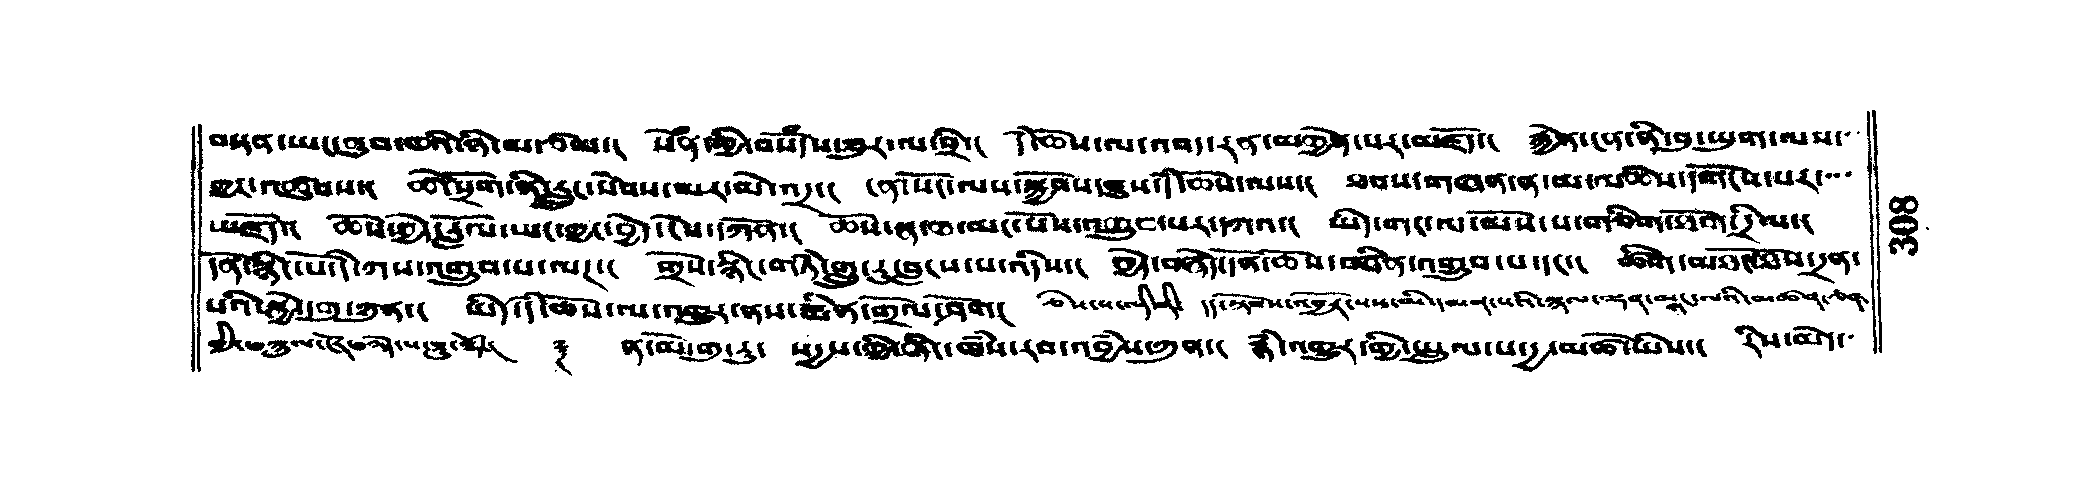བསྟན་ཡང་ནུབ་ཁའི་ཉི་མ་ཙམ། །སེམས་ཅན་གྱི་བསོད་ནམས་ཐུར་ལ་བྲི། །དམ་ཆོས་ལ་འབད་རན་མཁྱེན་པར་མཛོད། །རྐྱེན་ངན་ནི་བུ་ཡུག་ལས་
ཀྱང་འཚུབ། །ཚེ་སྲོག་ནི་རླུང་སེབ་མར་མེ་འདྲ། །ངན་སོང་ལས་སྐྱོབས་ནུས་དམ་ཆོས་ལས། །ཐབས་གཞན་ན་མ་མཆིས་དགོངས་པར་
མཛོད། །ཆོས་བྱེད་རློམ་མང་ཀྱང་བྱེད་ངེས་དཀོན། །ཆོས་སྣ་ཁ་མང་པོས་འགྲུབ་པར་དཀའ། །ཡིད་གང་ལ་མོས་པ་གཅིག་ཐོག་དྲིལ། །
དོན་སྙིང་པོ་དེ་ཀས་འགྲུབ་པ་ལགས། །གྲོས་སྙིང་གཏམ་གླུ་རུ་བླངས་པ་འདིས། །ཁྱེད་བཞེད་དོན་ཆོས་བཞིན་འགྲུབ་པ་དང་། །ཚིག་མཐོང་ཐོས་དྲན་
པའི་སྐྱེ་རྒུ་ཀུན། །ཡིད་དམ་ཆོས་ལ་འགྱུར་ནས་སྨིན་གྲོལ་ཤོག། ཅེས་པ་འདི་ནི། དད་སྟོབས་འབྱོར་པས་མི་དམན་པའི་སྐལ་ལྡན་མངྒ་ལའི་མཚན་ཅན་
གྱིས་བསྐུལ་ངོར་བཀོད་པ་ཤུ་བྷམ།། ༈ ན་མོ་གུ་རུ། སངས་རྒྱས་ཀྱི་ཞིང་ཁམས་རབ་འབྱམས་ཀུན། །རྣམ་འགྱུར་གྱི་སྤྲུལ་པ་རྒྱ་མཚོ་ཡིས། །རིས་མེད་